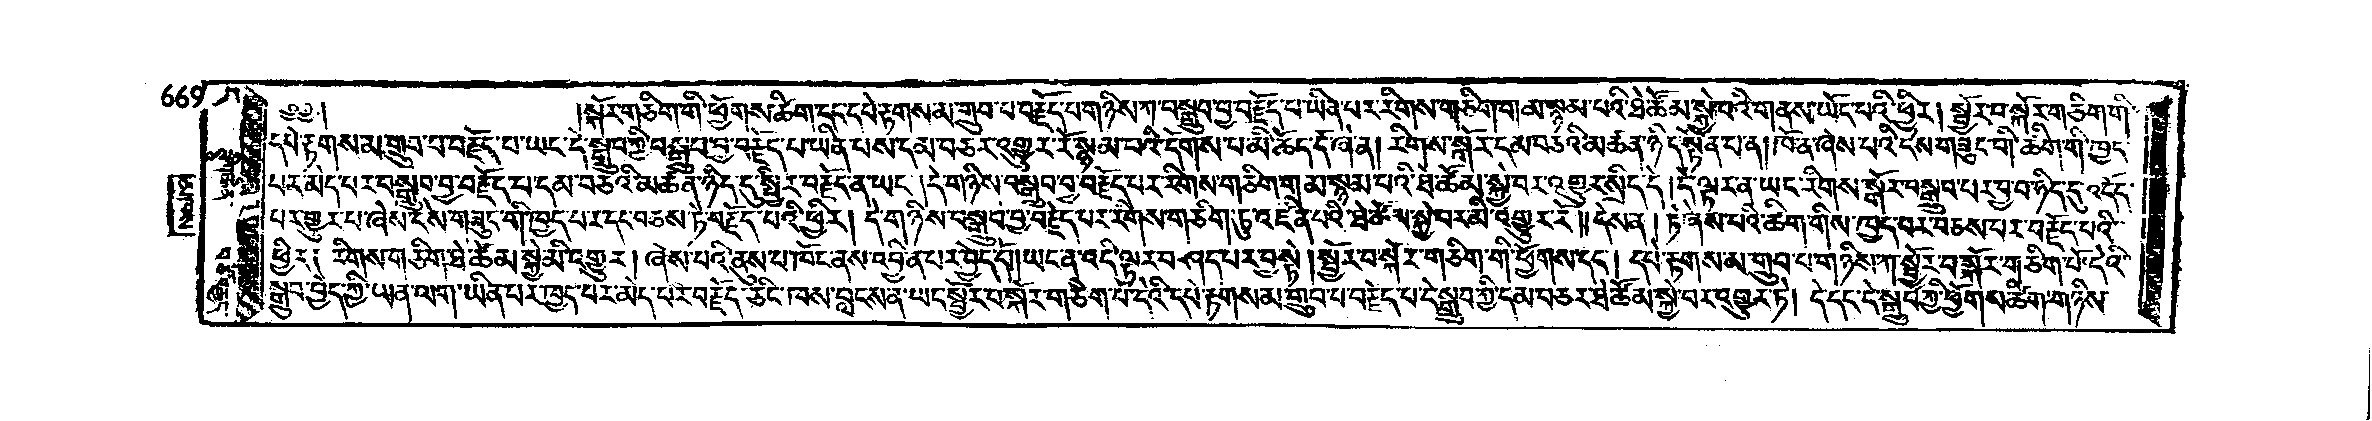༄༅། །སྐོར་གཅིག་གི་ཕྱོགས་ཚིག་དང་དཔེ་རྟགས་མ་གྲུབ་པ་བརྗོད་པ་གཉིས་ཀ་བསྒྲུབ་བྱ་བརྗོད་པ་ཡིན་པར་རིགས་གཅིག་གམ་སྙམ་པའི་ཐེ་ཚོམ་སྐྱེ་བའི་གནས་ཡོད་པའི་ཕྱིར། སྦྱོར་བ་སྐོར་གཅིག་གི་
དཔེ་རྟགས་མ་གྲུབ་པ་བརྗོད་པ་ཡང་དེ་སྒྲུབ་ཀྱི་བསྒྲུབ་བྱ་བརྗོད་པ་ཡིན་པས་དམ་བཅར་འགྱུར་རོ་སྙམ་པའི་དོགས་པ་མི་ཆོད་དོ་ཞེ་ན། རིགས་སྒོར་དམ་བཅའི་མཚན་ཉིད་སྟོན་པ་ན། ཁོ་ན་ཞེས་པའི་ངེས་གཟུང་གི་ཚིག་གི་ཁྱད་
པར་མེད་པར་བསྒྲུབ་བྱ་བརྗོད་པ་དམ་བཅའི་མཚན་ཉིད་དུ་སྤྱིར་བརྗོད་ན་ཡང་། དེ་གཉིས་བསྒྲུབ་བྱ་བརྗོད་པར་རིགས་གཅིག་གམ་སྙམ་པའི་ཐེ་ཚོམ་སྐྱེ་བར་འགྱུར་སྲིད་དེ། དེ་ལྟར་ན་ཡང་རིགས་སྒོར་བསྒྲུབ་པར་བྱ་བ་ཉིད་དུ་འདོད་
པར་གྱུར་བ་ཞེས་ངེས་གཟུང་གི་ཁྱད་པར་དང་བཅས་ཏེ་བརྗོད་པའི་ཕྱིར། དེ་གཉིས་བསྒྲུབ་བྱ་བརྗོད་པར་རིགས་གཅིག་ཏུ་འཛིན་པའི་ཐེ་ཚོམ་སྐྱེ་བར་མི་འགྱུར་རོ། །དེས་ན། ཏེ་ཞེས་པའི་ཚིག་གིས་ཁྱད་པར་བཅས་པར་བརྗོད་པའི་
ཕྱིར། རིགས་གཅིག་ཐེ་ཚོམ་སྐྱེ་མི་འགྱུར། ཞེས་པའི་ནུས་པ་ཁོང་ནས་འབྱིན་པར་བྱེད་དོ། །ཡང་ན་འདི་ལྟར་བཤད་པར་བྱ་སྟེ། སྦྱོར་བ་སྐོར་གཅིག་གི་ཕྱོགས་དང་། དཔེ་རྟགས་མ་གྲུབ་པ་གཉིས་ཀ་སྦྱོར་བ་སྐོར་གཅིག་པོ་དེའི་
སྒྲུབ་བྱེད་ཀྱི་ཡན་ལག་ཡིན་པར་ཁྱད་པར་མེད་པར་བརྗོད་ཅིང་ཁས་བླངས་ན་ཡང་སྦྱོར་བ་སྐོར་གཅིག་པོ་དེའི་དཔེ་རྟགས་མ་གྲུབ་པ་བརྗོད་པ་དེ་སྒྲུབ་ཀྱི་དམ་བཅར་ཐེ་ཚོམ་སྐྱེ་བར་འགྱུར་ཏེ། དེ་དང་དེ་སྒྲུབ་ཀྱི་ཕྱོགས་ཚིག་གཉིས་